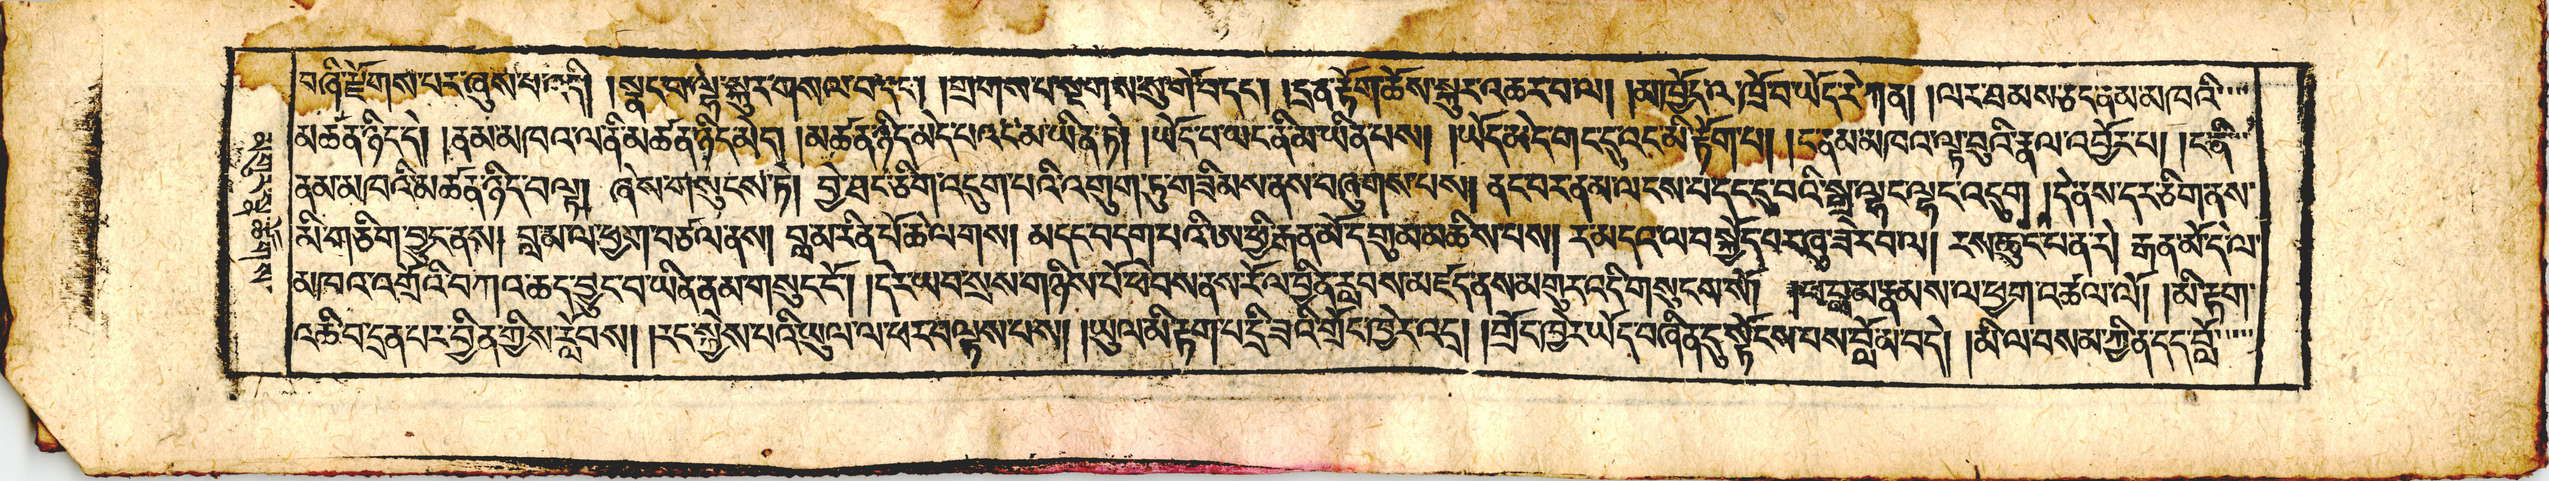བཞི་རྫོགས་པར་ཞུས་པ་འདི། །སྣང་བ་ལྷ་སྐུར་གསལ་བ་དང་། །གྲགས་པ་སྔགས་སུ་གོ་བ་དང་། །དྲན་རྟོག་ཆོས་སྐུར་འཆར་བ་ལ། །མ་ཁྱོད་ལ་ཁྲོ་བ་ཡོད་རེ་ཀན། །ལར་ཐམས་ཅད་ནམ་མཁའི་
མཚན་ཉིད་དེ། །ནམ་མཁའ་ལ་ནི་མཚན་ཉིད་མེད། །མཚན་ཉིད་མེད་པའང་མ་ཡིན་ཏེ། །ཡོད་པ་ཡང་ནི་མ་ཡིན་པས། །ཡོད་མེད་གང་དུའང་མི་རྟོག་པ། །ང་ནམ་མཁའ་ལྟ་བུའི་རྣལ་འབྱོར་པ། །ང་ནི་
ནམ་མཁའི་མཚན་ཉིད་བལྟ། ཞེས་གསུངས་ཏེ། བྱེ་ཐང་ཅིག་འདུག་པའི་འགུག་ཏུ་གཟིམས་ནས་བཞུགས་པས། ནང་པར་ནམ་ལངས་པ་དང་ངུ་བའི་སྒྲ་ལྷང་ལྷང་འདུག །དེ་ནས་དར་ཅིག་ནས་
མི་གཅིག་བྱུང་ནས། བླ་མ་ལ་ཕྱག་བཙལ་ནས། བླ་མ་རིན་པོ་ཆེ་ལགས། མདང་བདག་པའི་ཨ་ཕྱི་རྒན་མོ་དགུམ་མཆིས་པས། ར་མདའ་ལ་བསྐྱོད་པར་ཞུ་ཟེར་བ་ལ། རས་ཆུང་པ་ན་རེ། རྒན་མོ་དེ་ལ་
མཁའ་འགྲོའི་བཀའ་ཆད་བྱུང་བ་ཡིན་ནམ་གསུང་ངོ་། །དེར་ཡབ་སྲས་གཉིས་པོ་ཕེབས་ནས་རོ་ལ་བྱིན་རླབས་མཛད་ནས་མགུར་འདི་གསུངས་སོ། །ཕ་བླ་མ་རྣམས་ལ་ཕྱག་འཚལ་ལོ། །མི་རྟག་
འཆི་བ་དྲན་པར་བྱིན་གྱིས་རློབས། །རང་སྐྱེས་པའི་ཡུལ་ལ་ཕར་བལྟས་པས། །ཡུལ་མི་རྟག་པ་དྲི་ཟའི་གྲོང་ཁྱེར་འདྲ། །གྲོང་ཁྱེར་ཡོད་བཞིན་དུ་སྟོངས་པས་བློ་མ་བདེ། །མི་ལ་བསམ་ཀྱིན་དང་བློ་